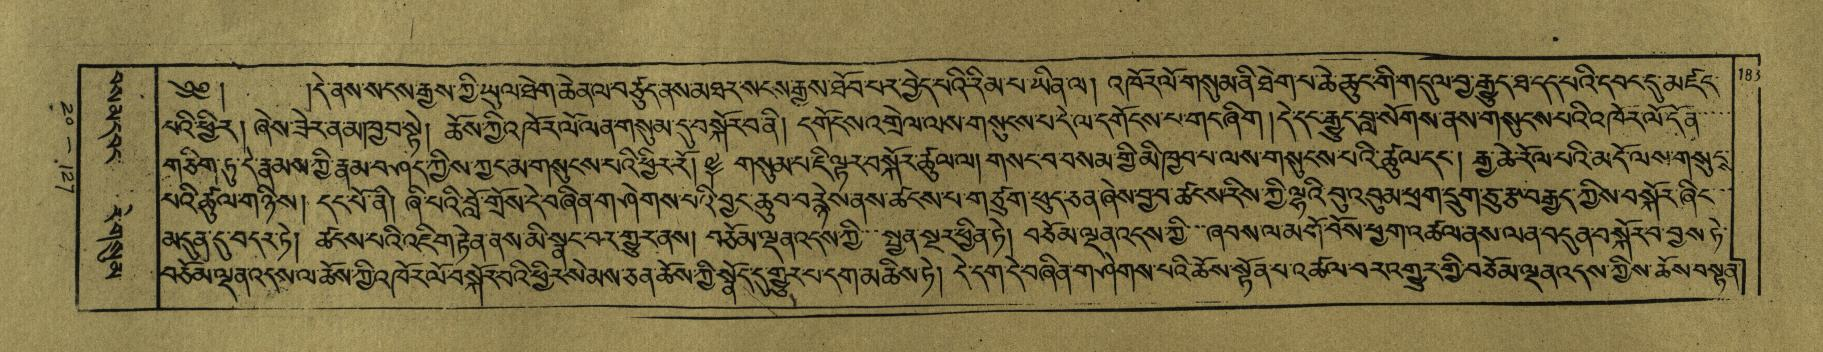༄༅། །དེ་ནས་སངས་རྒྱས་ཀྱི་ཡུལ་ཐེག་ཆེན་ལ་བཙུད་ནས་མཐར་སངས་རྒྱས་ཐོབ་པར་བྱེད་པའི་རིམ་པ་ཡིན་ལ། འཁོར་ལོ་གསུམ་ནི་ཐེག་པ་ཆེ་ཆུང་གི་གདུལ་བྱ་རྒྱུད་ཐ་དད་པའི་དབང་དུ་མཛད་
པའི་ཕྱིར། ཞེས་ཟེར་ན་མ་ཁྱབ་སྟེ། ཆོས་ཀྱི་འཁོར་ལོ་ལན་གསུམ་དུ་བསྐོར་བ་ནི། དགོངས་འགྲེལ་ལས་གསུངས་པ་དེ་ལ་དགོངས་པ་གང་ཞིག། དེ་དང་རྒྱུད་བླ་སོགས་ནས་གསུངས་པའི་འཁོར་ལོ་དོན་
གཅིག་ཏུ་དེ་རྣམས་ཀྱི་རྣམ་བཤད་ཀྱིས་ཀྱང་མ་གསུངས་པའི་ཕྱིར་རོ། ༈ གསུམ་པ་ཇི་ལྟར་བསྐོར་ཚུལ་ལ། གསང་བ་བསམ་གྱི་མི་ཁྱབ་པ་ལས་གསུངས་པའི་ཚུལ་དང་། རྒྱ་ཆེ་རོལ་པའི་མདོ་ལས་གསུངས་
པའི་ཚུལ་གཉིས། དང་པོ་ནི། ཞི་པའི་བློ་གྲོས་དེ་བཞིན་གཤེགས་པའི་བྱང་ཆུབ་བརྙེས་ནས་ཚངས་པ་གཙུག་ཕུད་ཅན་ཞེས་བྱ་བ་ཚངས་རིས་ཀྱི་ལྷའི་བུ་འབུམ་ཕྲག་དྲུག་ཅུ་རྩ་བརྒྱད་ཀྱིས་བསྐོར་ཞིང་
མདུན་དུ་བདར་ཏེ། ཚངས་པའི་འཇིག་རྟེན་ནས་མི་སྣང་བར་གྱུར་ནས། བཅོམ་ལྡན་འདས་ཀྱི་སྤྱན་སྔར་ཕྱིན་ཏེ། བཅོམ་ལྡན་འདས་ཀྱི་ཞབས་ལ་མགོ་བོས་ཕྱག་འཚལ་ནས་ལན་བདུན་བསྐོར་བ་བྱས་ཏེ་
བཅོམ་ལྡན་འདས་ལ་ཆོས་ཀྱི་འཁོར་ལོ་བསྐོར་བའི་ཕྱིར་སེམས་ཅན་ཆོས་ཀྱི་སྣོད་དུ་གྱུར་པ་དག་མཆིས་ཏེ། དེ་དག་དེ་བཞིན་གཤེགས་པའི་ཆོས་སྟོན་པ་འཚལ་བར་འགྱུར་གྱི་བཅོམ་ལྡན་འདས་ཀྱིས་ཆོས་བསྟན་